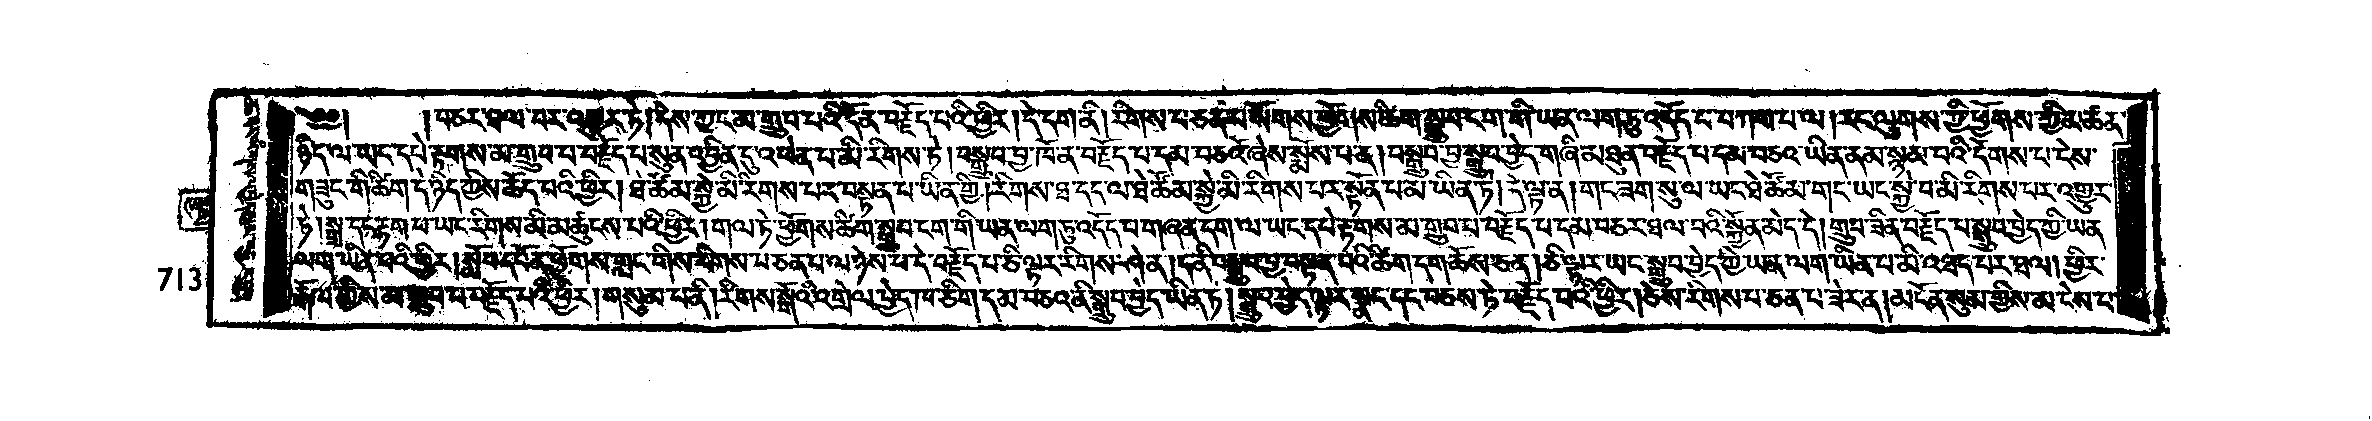༄༅། །བཅར་ཐལ་བར་འགྱུར་ཏེ། དེས་ཀྱང་མ་གྲུབ་པའི་དོན་བརྗོད་པའི་ཕྱིར། དེ་དག་ནི། རིགས་པ་ཅན་པ་སོགས་ཕྱོགས་ཚིག་སྒྲུབ་ངག་གི་ཡན་ལག་ཏུ་འདོད་པ་བཀག་པ་ལ། རང་ལུགས་ཀྱི་ཕྱོགས་ཀྱི་མཚན་
ཉིད་ལ་ཡང་དཔེ་རྟགས་མ་གྲུབ་པ་བརྗོད་པ་སུན་འབྱིན་དུ་འཕེན་པ་མི་རིགས་ཏེ། བསྒྲུབ་བྱ་ཁོ་ན་བརྗོད་པ་དམ་བཅའོ་ཞེས་སྨོས་པ་ན། བསྒྲུབ་བྱ་སྒྲུབ་བྱེད་གཞི་མཐུན་བརྗོད་པ་དམ་བཅའ་ཡིན་ནམ་སྙམ་པའི་དོགས་པ་ངེས་
གཟུང་གི་ཚིག་དེ་ཉིད་ཀྱིས་ཆོད་པའི་ཕྱིར། ཐེ་ཚོམ་སྐྱེ་མི་རིགས་པར་བསྟན་པ་ཡིན་གྱི། རིགས་ཐ་དད་ལ་ཐེ་ཚོམ་སྐྱེ་མི་རིགས་པར་སྟོན་པ་མ་ཡིན་ཏེ། དེ་ལྟ་ན། གང་ཟག་སུ་ལ་ཡང་ཐེ་ཚོམ་གང་ཡང་སྐྱེ་བ་མི་རིགས་པར་འགྱུར་
ཏེ། སྒྲ་དང་རྟག་པ་ཡང་རིགས་མི་མཚུངས་པའི་ཕྱིར། གལ་ཏེ་ཕྱོགས་ཚིག་སྒྲུབ་ངག་གི་ཡང་ལག་ཏུ་འདོད་པ་གཞན་དག་ལ་ཡང་དཔེ་རྟགས་མ་གྲུབ་པ་བརྗོད་པ་དམ་བཅར་ཐལ་བའི་སྐྱོན་མེད་དེ། གྲུབ་ཟིན་བརྗོད་པ་སྒྲུབ་བྱེད་ཀྱི་ཡན་
ལག་ཡིན་པའི་ཕྱིར། སློབ་དཔོན་ཕྱོགས་གླང་གིས་རིགས་པ་ཅན་པ་ལ་ཉེས་པ་དེ་བརྗོད་པ་ཅི་ལྟར་རིགས་ཤེ་ན། ད་ནི་བསྒྲུབ་བྱ་བསྟན་པའི་ཚིག་དག་ཆོས་ཅན། ཅི་ལྟར་ཡང་སྒྲུབ་བྱེད་ཀྱི་ཡན་ལག་ཡིན་པ་མི་འཐད་པར་ཐལ། ཕྱིར་
རྒོལ་གྱིས་མ་གྲུབ་པ་བརྗོད་པའི་ཕྱིར། གསུམ་པ་ནི། རིགས་སྒོའི་འགྲེལ་པྱེད་ཁ་ཅིག་དམ་བཅའ་ནི་སྒྲུབ་བྱེད་ཡིན་ཏེ། སྒྲུབ་བྱེད་ལྟར་སྣང་དང་བཅས་ཏེ་བརྗོད་པའི་ཕྱིར། ཅེས་རིགས་པ་ཅན་པ་ཟེར་ན། མངོན་སུམ་གྱིས་མ་ངེས་པ་